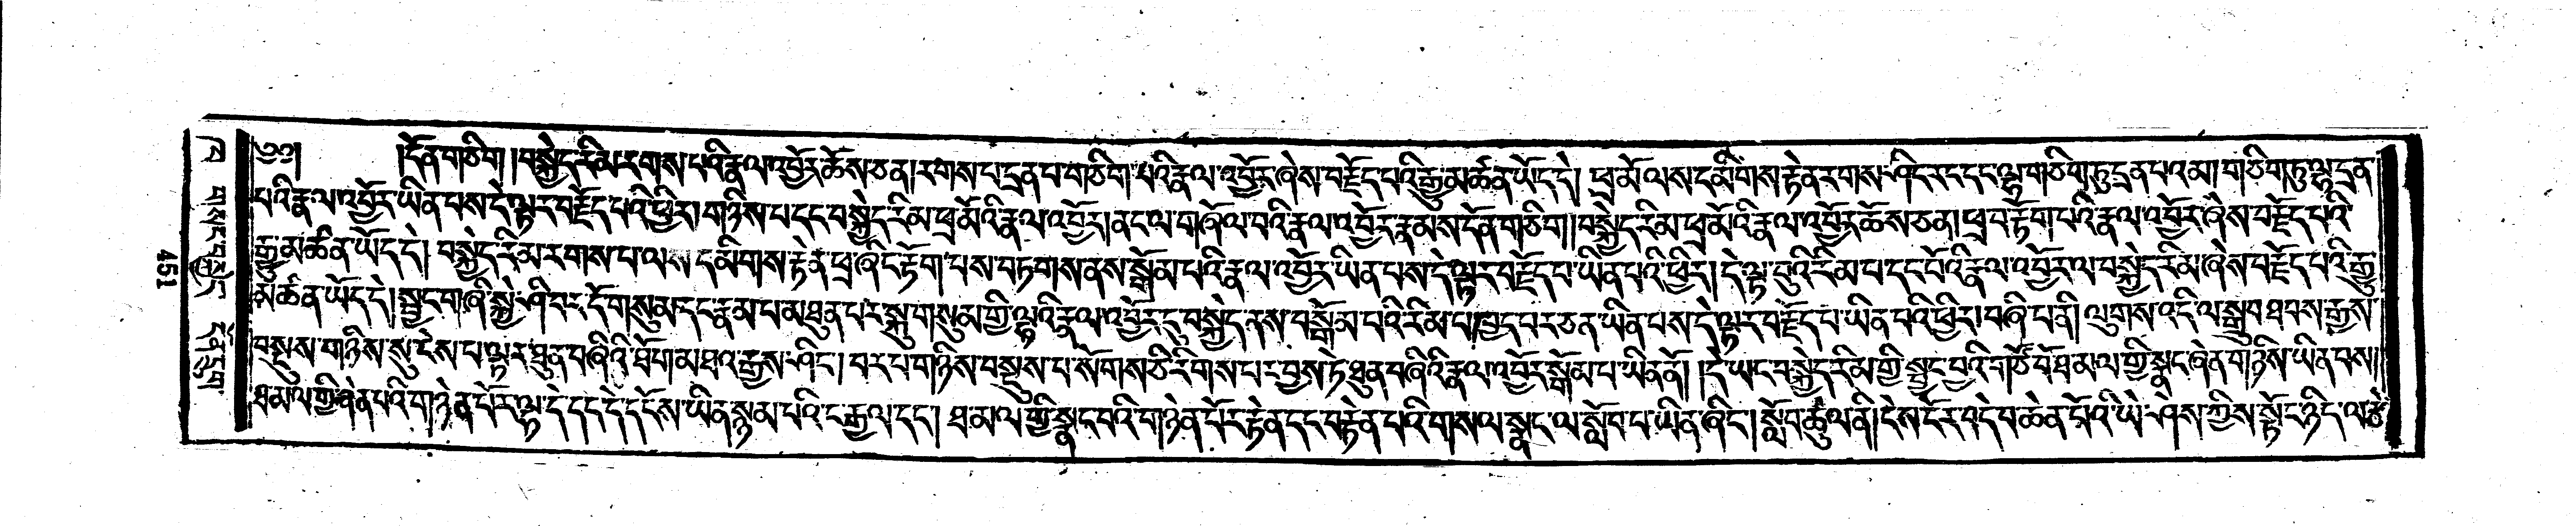༄༅། །དོན་གཅིག །བསྐྱེད་རིམ་རགས་པའི་རྣལ་འབྱོར་ཆོས་ཅན། རགས་པ་དྲན་པ་གཅིག་པའི་རྣལ་འབྱོར་ཞེས་བརྗོད་པའི་རྒྱུ་མཚན་ཡོད་དེ། ཕྲ་མོ་ལས་དམིགས་རྟེན་རགས་ཤིང་རང་དང་ལྷ་གཅིག་ཏུ་དྲན་པའམ། གཅིག་ཏུ་ལྷ་དྲན་
པའི་རྣལ་འབྱོར་ཡིན་པས་དེ་ལྟར་བརྗོད་པའི་ཕྱིར། གཉིས་པ་དང་བསྐྱེད་རིམ་ཕྲ་མོའི་རྣལ་འབྱོར། ནང་ལ་གཞོལ་བའི་རྣལ་འབྱོར་རྣམས་དོན་གཅིག །བསྐྱེད་རིམ་ཕྲ་མོའི་རྣལ་འབྱོར་ཆོས་ཅན། ཕྲ་བ་རྟོག་པའི་རྣལ་འབྱོར་ཞེས་བརྗོད་པའི་
རྒྱུ་མཚན་ཡོད་དེ། བསྐྱེད་རིམ་རགས་པ་ལས་དམིགས་རྟེན་ཕྲ་ཞིང་རྟོག་པས་བཏགས་ནས་སྒོམ་པའི་རྣལ་འབྱོར་ཡིན་པས་དེ་ལྟར་བརྗོད་པ་ཡིན་པའི་ཕྱིར། དེ་ལྟ་བུའི་རིམ་པ་དང་པོའི་རྣལ་འབྱོར་ལ་བསྐྱེད་རིམ་ཞེས་བརྗོད་པའི་རྒྱུ་
མཚན་ཡོད་དེ། སྦྱང་གཞི་སྐྱེ་ཤི་བར་དོ་གསུམ་དང་རྣམ་པ་མཐུན་པར་སྐུ་གསུམ་གྱི་ལྷའི་རྣལ་འབྱོར་དུ་བསྐྱེད་ནས་བསྒོམ་པའི་རིམ་པ་ཁྱད་པར་ཅན་ཡིན་པས་དེ་ལྟར་བརྗོད་པ་ཡིན་པའི་ཕྱིར། བཞི་པ་ནི། ལུགས་འདི་ལ་སྒྲུབ་ཐབས་རྒྱས་
བསྡུས་གཉིས་སུ་ངེས་པ་ལྟར་ཐུན་བཞིའི་ཐོག་མཐའ་རྒྱས་ཤིང་། བར་པ་གཉིས་བསྡུས་པ་སོགས་ཅི་རིགས་པར་བྱས་ཏེ་ཐུན་བཞིའི་རྣལ་འབྱོར་སྒོམ་པ་ཡིན་ནོ། །དེ་ཡང་བསྐྱེད་རིམ་གྱི་སྦྱང་བྱའི་ཐ་མལ་གྱི་སྣང་ཞེན་གཉིས་ཡིན་པས་
ཐ་མལ་གྱི་ཞེན་པའི་གཉེན་པོར་ལྷ་དེ་དང་དེ་དངོས་ཡིན་སྙམ་པའི་ང་རྒྱལ་དང་། ཐ་མལ་གྱི་སྔང་བའི་གཉེན་པོར་རྟེན་དང་བརྟེན་པའི་གསལ་སྣང་ལ་སློབ་པ་ཡིན་ཞིང་། སློབ་ཚུལ་ནི། ངེས་ངོར་བདེ་བ་ཆེན་པོའི་ཡེ་ཤེས་ཀྱིས་སྟོང་ཉིད་ལ་རྩེ་